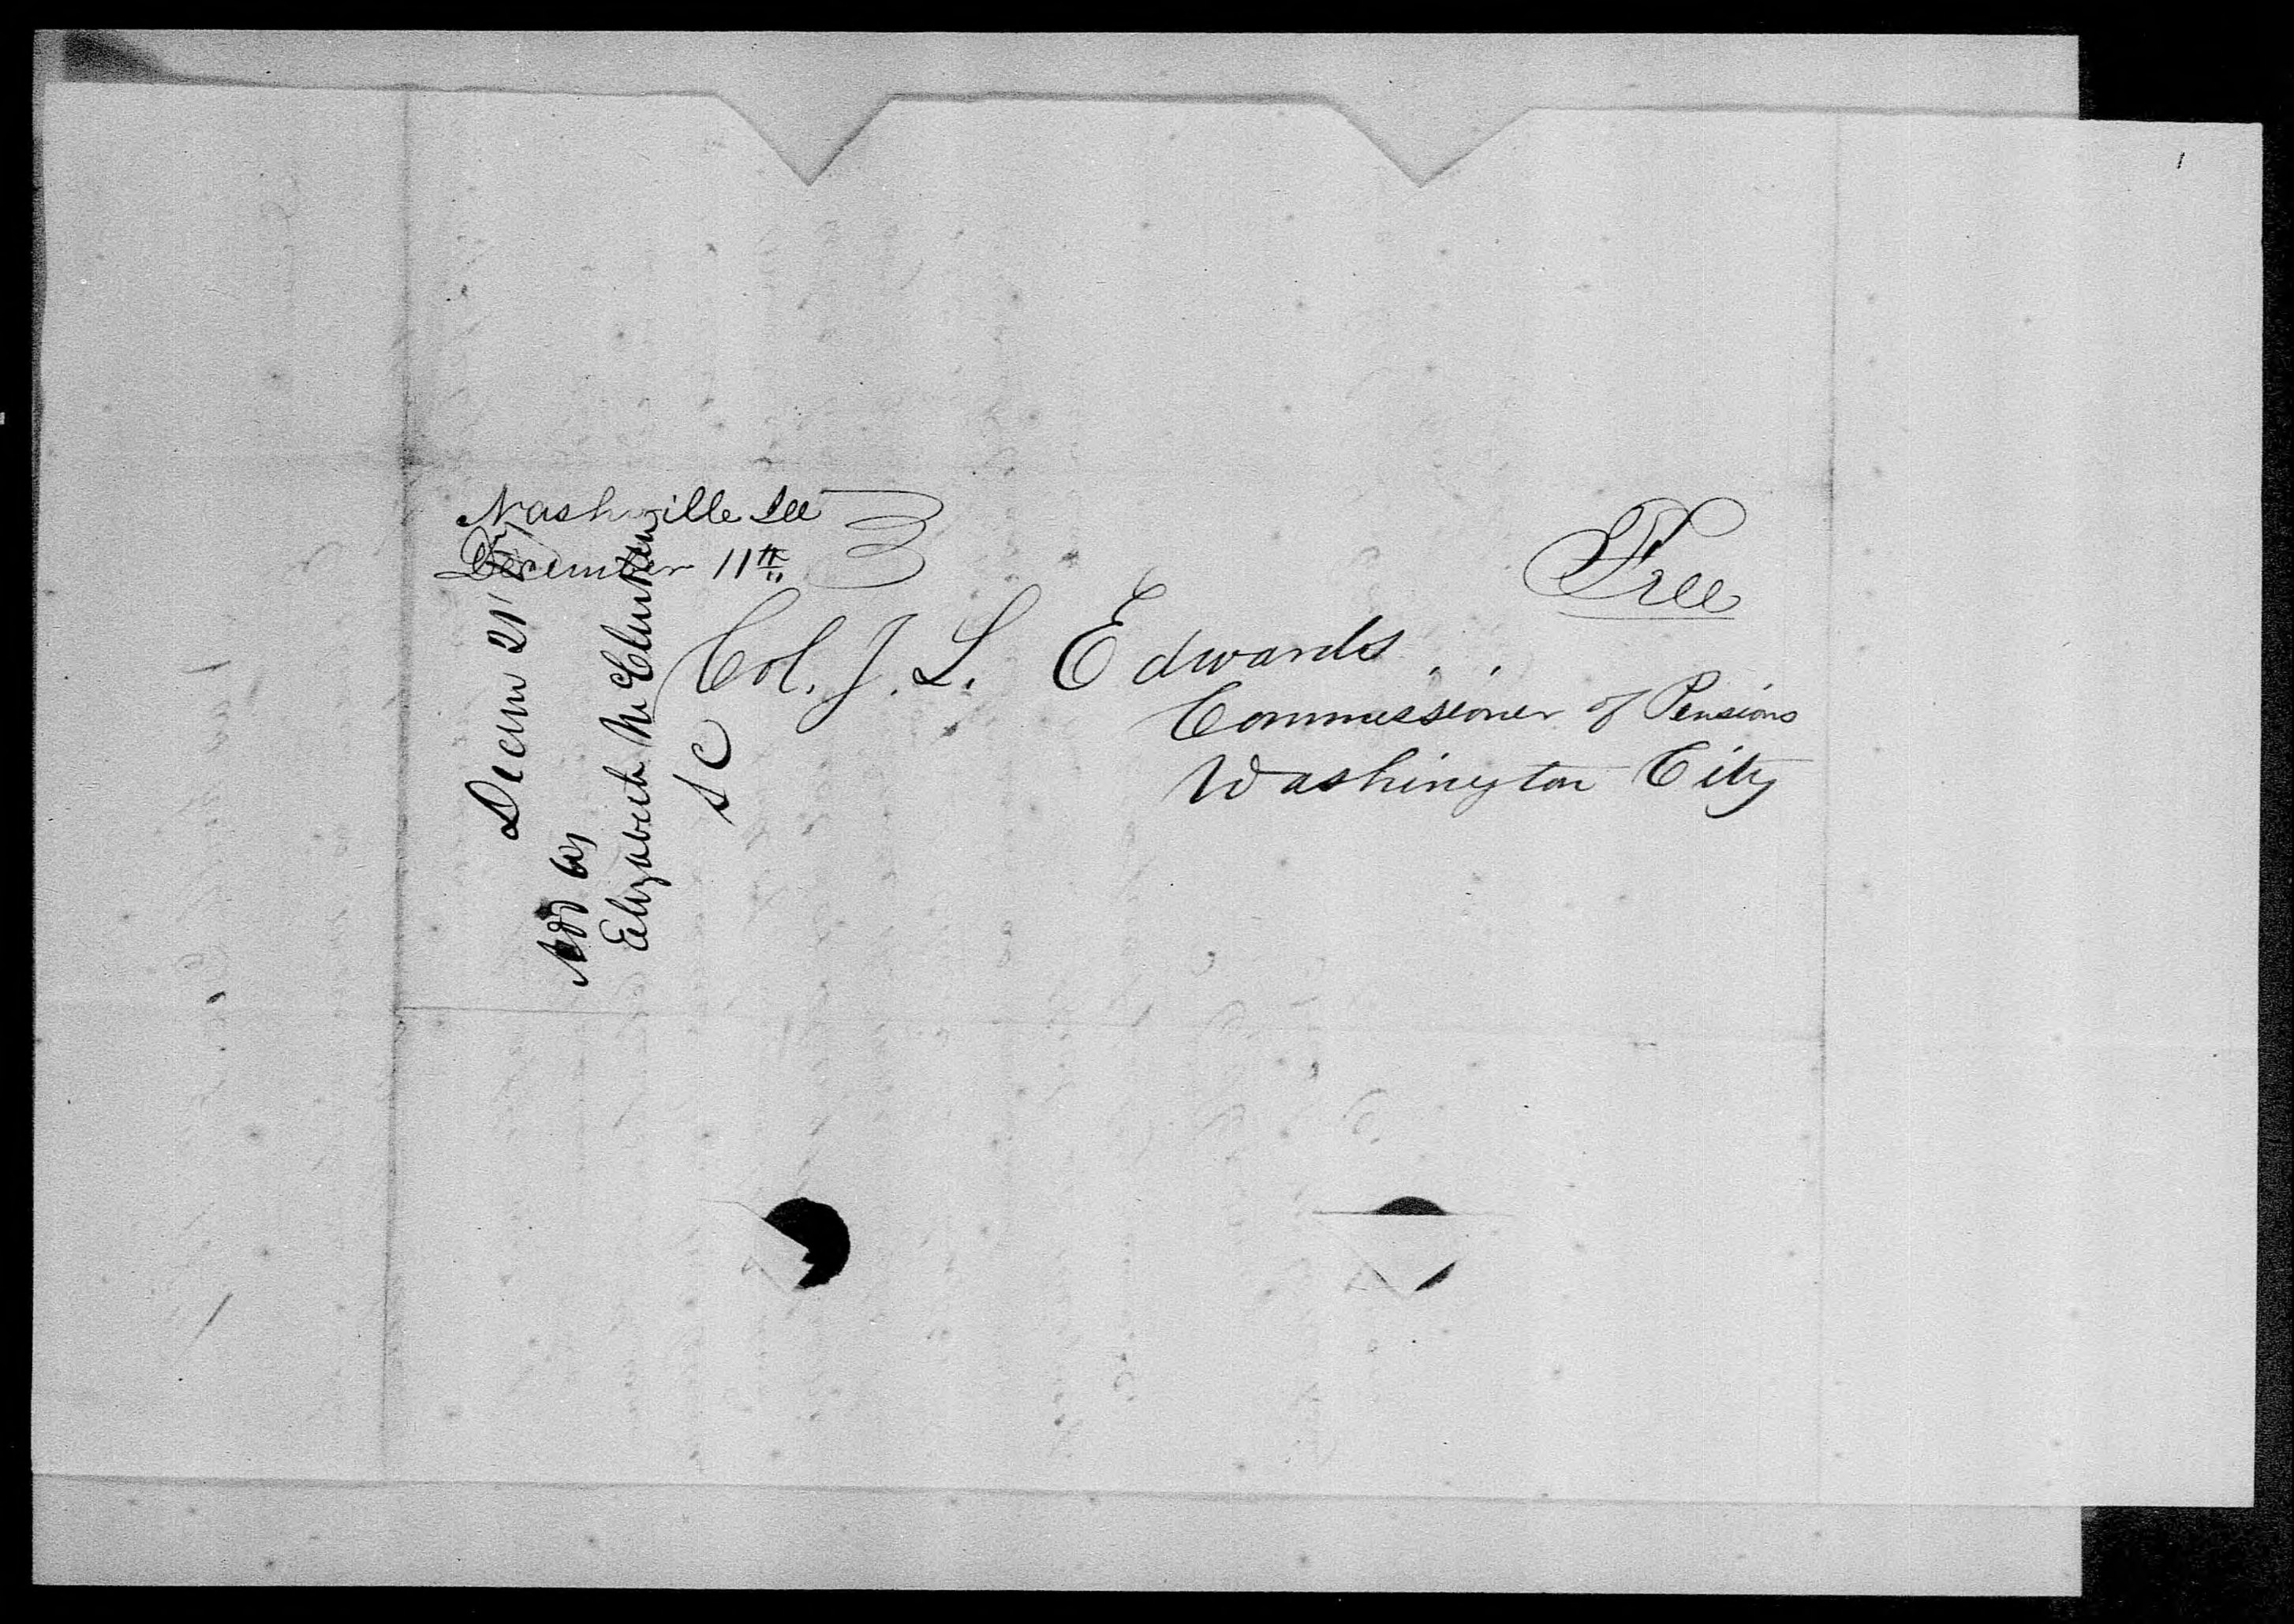Decl 21
Add by
Elizabeth McClurken

Nashville Ill}
December 11th} Free

Col. J.L. Edwards
Commissioner of Pensions
Washington City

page: 53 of 93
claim: widow's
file: W. 21792, for Thomas Mc Clurken, South Carolina